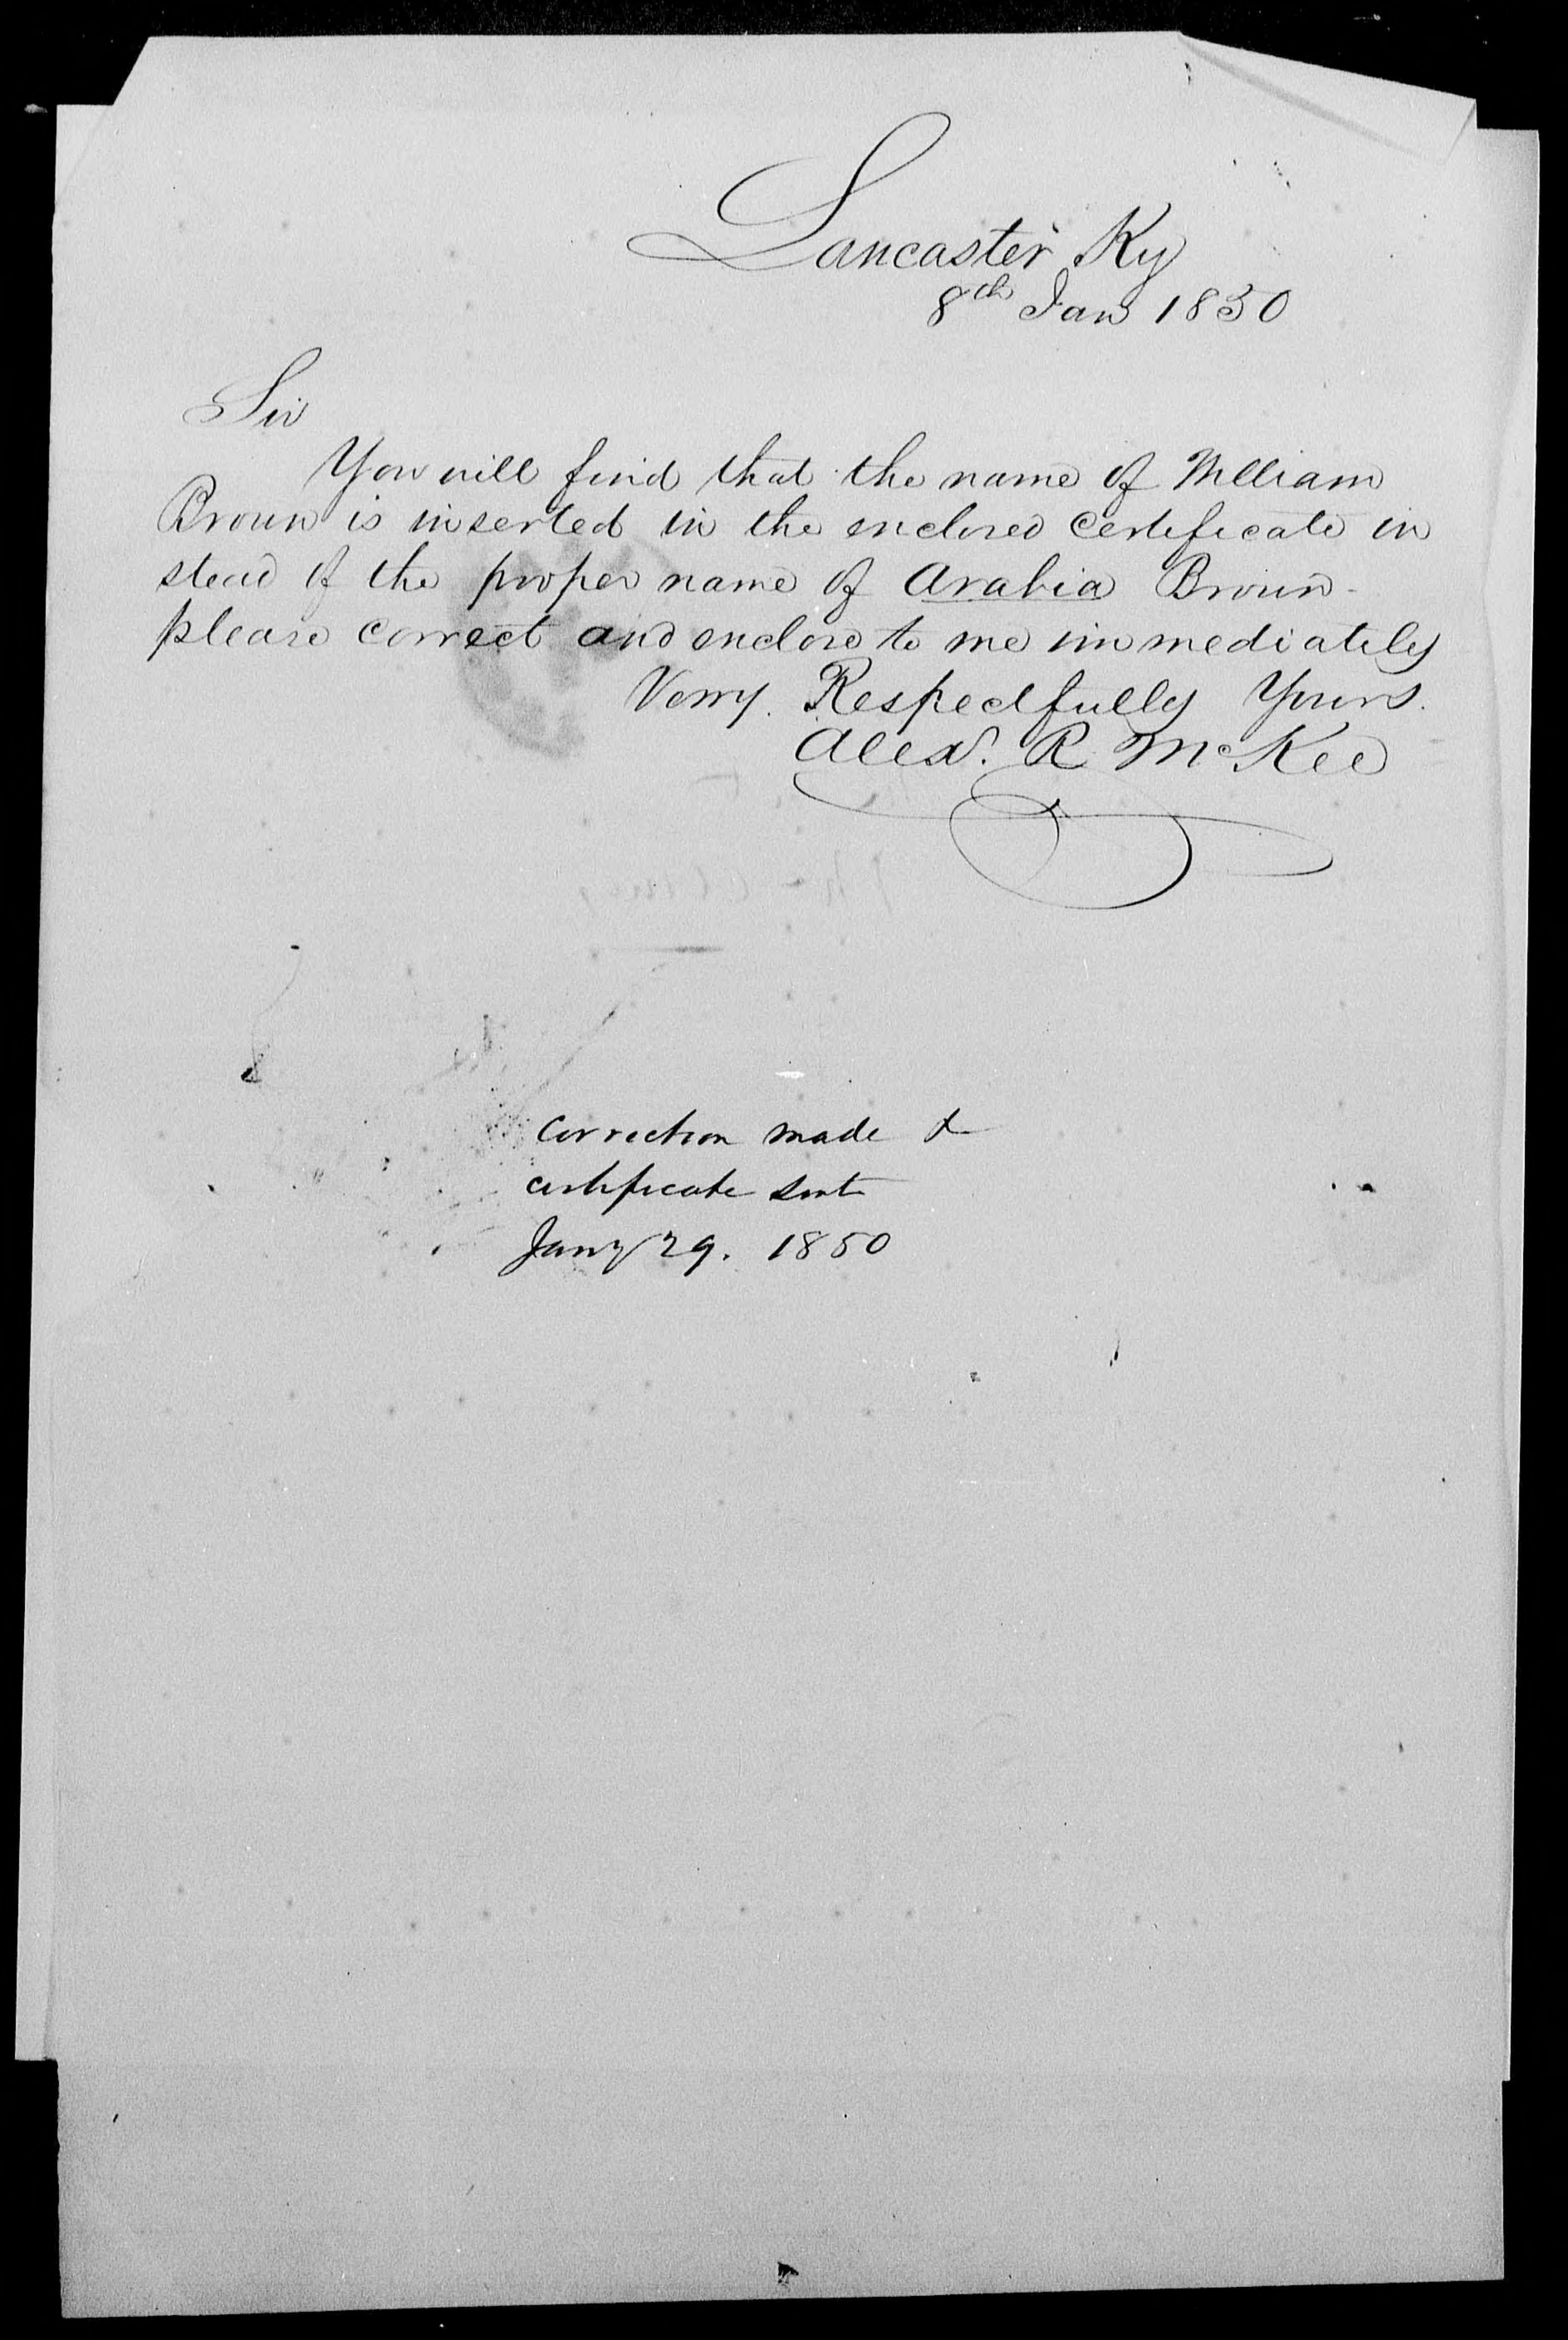Lancaster, KY
8th Jan 1850
Sir
You will find that the name of Willam
Brown is inserted in the enclosed certificate in
steed of the proper name of Arabia Brown.
Please correct and enclose to me immediately.
Very Respectfully Yours
Alea R McKee


correction made and
certificate sent
Jan 29, 1850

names: Alexr R Mc Kee, Arabia Brown, William Brown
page: 65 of 65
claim: widow's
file: W. 8384, Arabia Brown, Va.